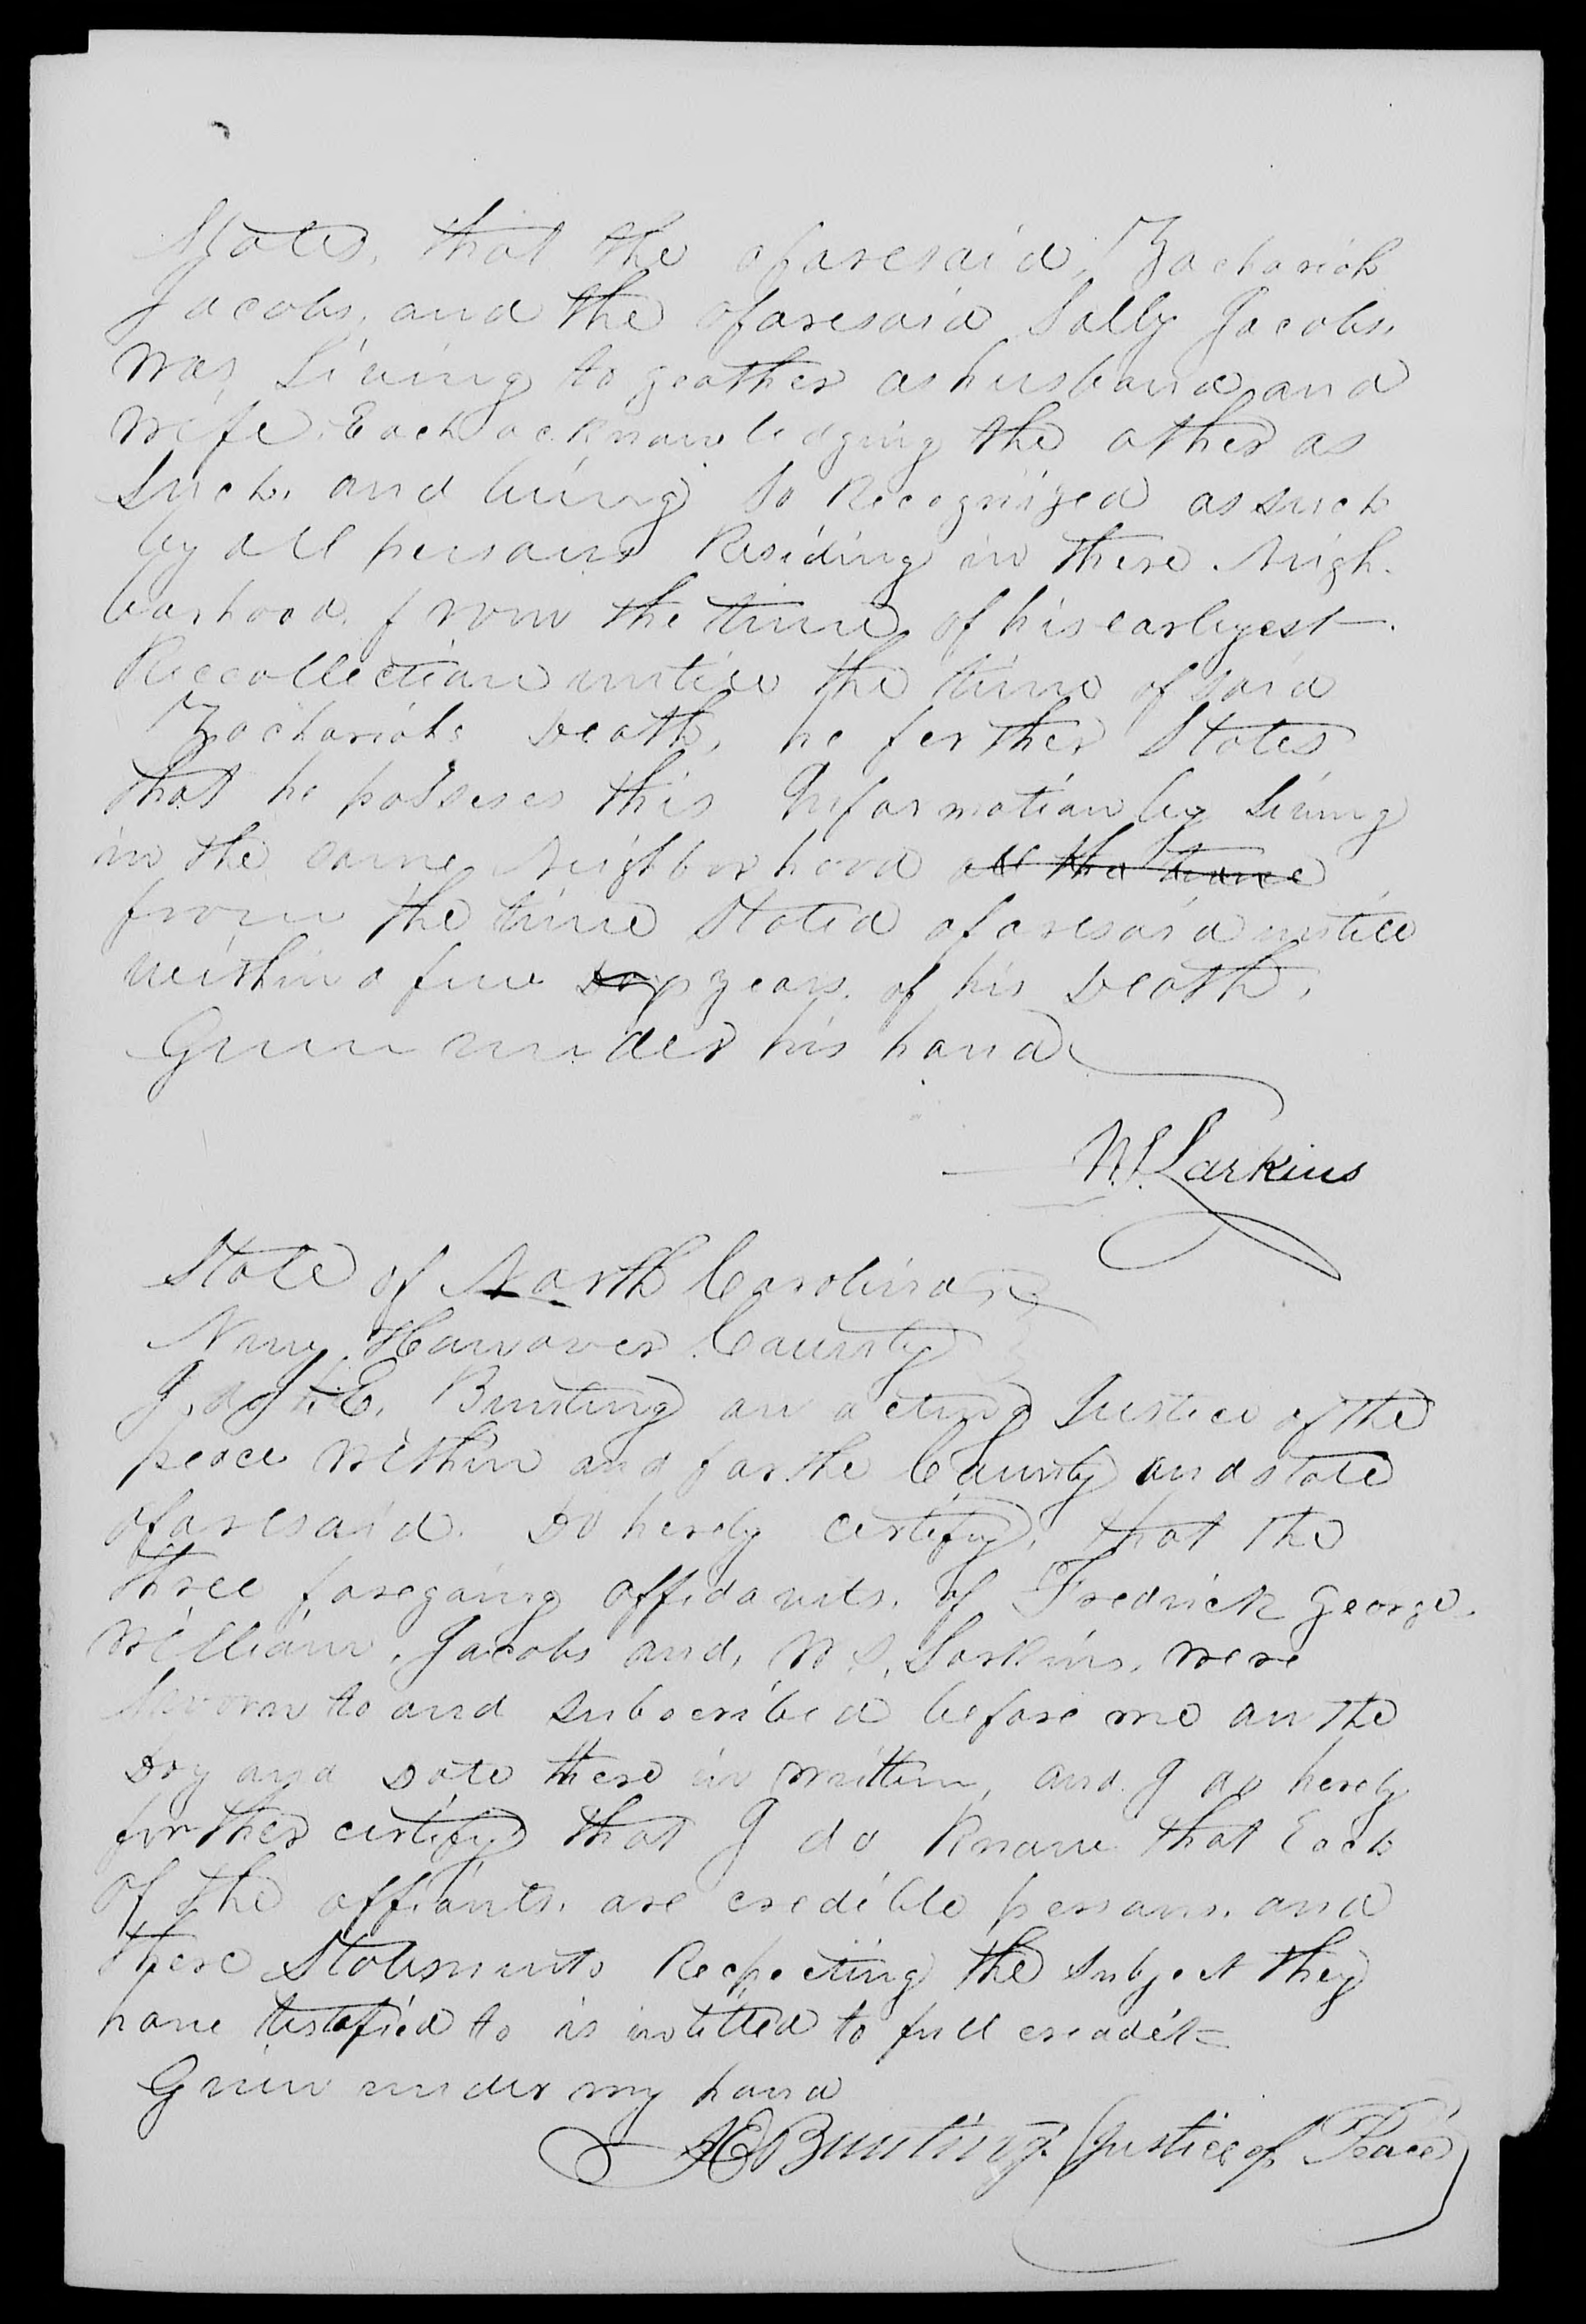States that the aforesaid Zachariah Jacobs and the aforesaid Sally Jacobs, was Living to geather as husband and wife Each acknowledging the other as Such and being So Recognized as such by all persons Residing in the Neighborhood from the time of his earlyest - Recollection untill the time of said Zachariahs Death, he further States that he possesses this information by living in the same neighborhod [the words"all that time" are crossed out] from the time Stated aforesaid untill within a five [crossout] years of his Death.
given under his hand - 
                        [Signature] W.S Sarkins

State of North Carolina}
New Hanover County}
I, H. Bunting an acting Justice of the peace within and for the County and state  aforesaid Do hereby certify that the three foregoing affidavits of Fredrick George William Jacobs and WS Sarkins were Sworn to and subscribed before me and the Day and Date there in written, and I do hereby further certify that I do know that Each of the affiants are credible persons and there Statements Respecting the Subject they have testified to is entitled to full credit
Given under my hand
[Signature] H. Bunting Justice of Peace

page: 20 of 40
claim: widow's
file: W. 5304, for Zachariah Jacobs, North Carolina